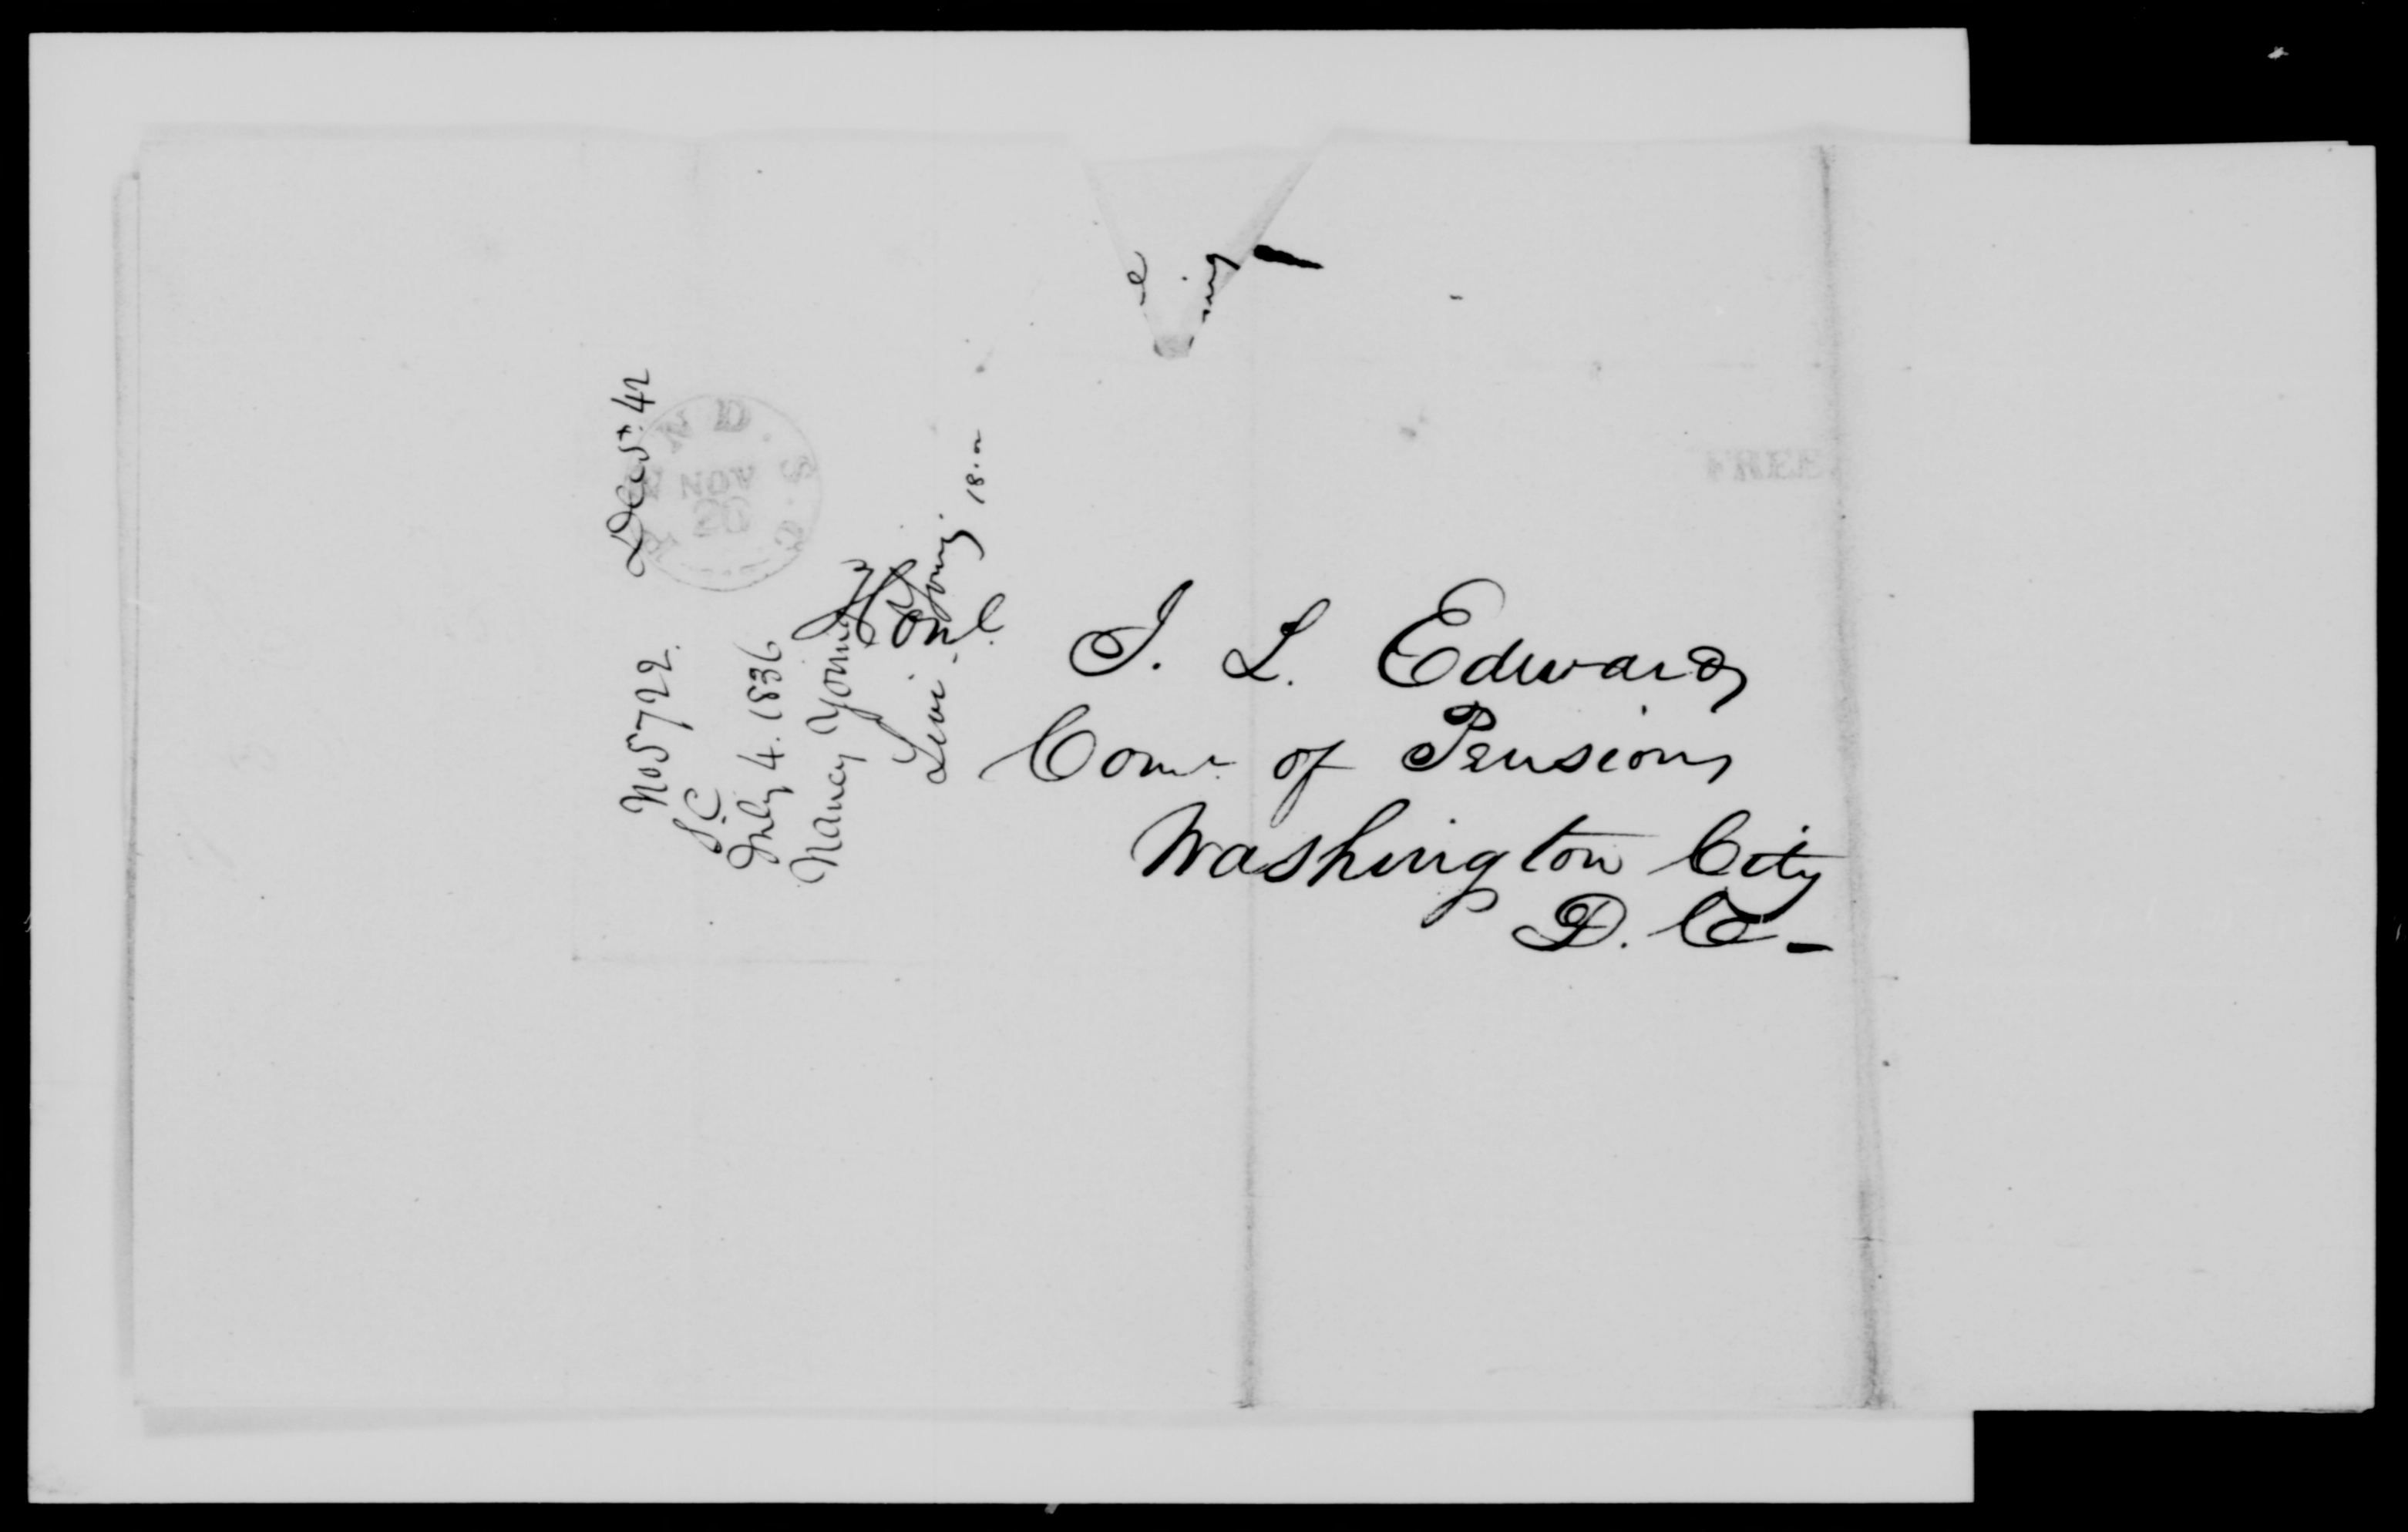Honl [Honorable] J. [James] L. Edwards
Com. [Commissioner] of Pensions
Washington City
D.C.

No 5722   Dec 5th 42 [1842]
S.C. [South Carolina]
July 4, 1836
Nancy Young
Levi Young  18.0(?)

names: J L Edwards, Levi Young, Nancy Young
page: 45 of 56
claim: widow's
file: W. 9040, Levi Young, Ga. New Jersey S.C.